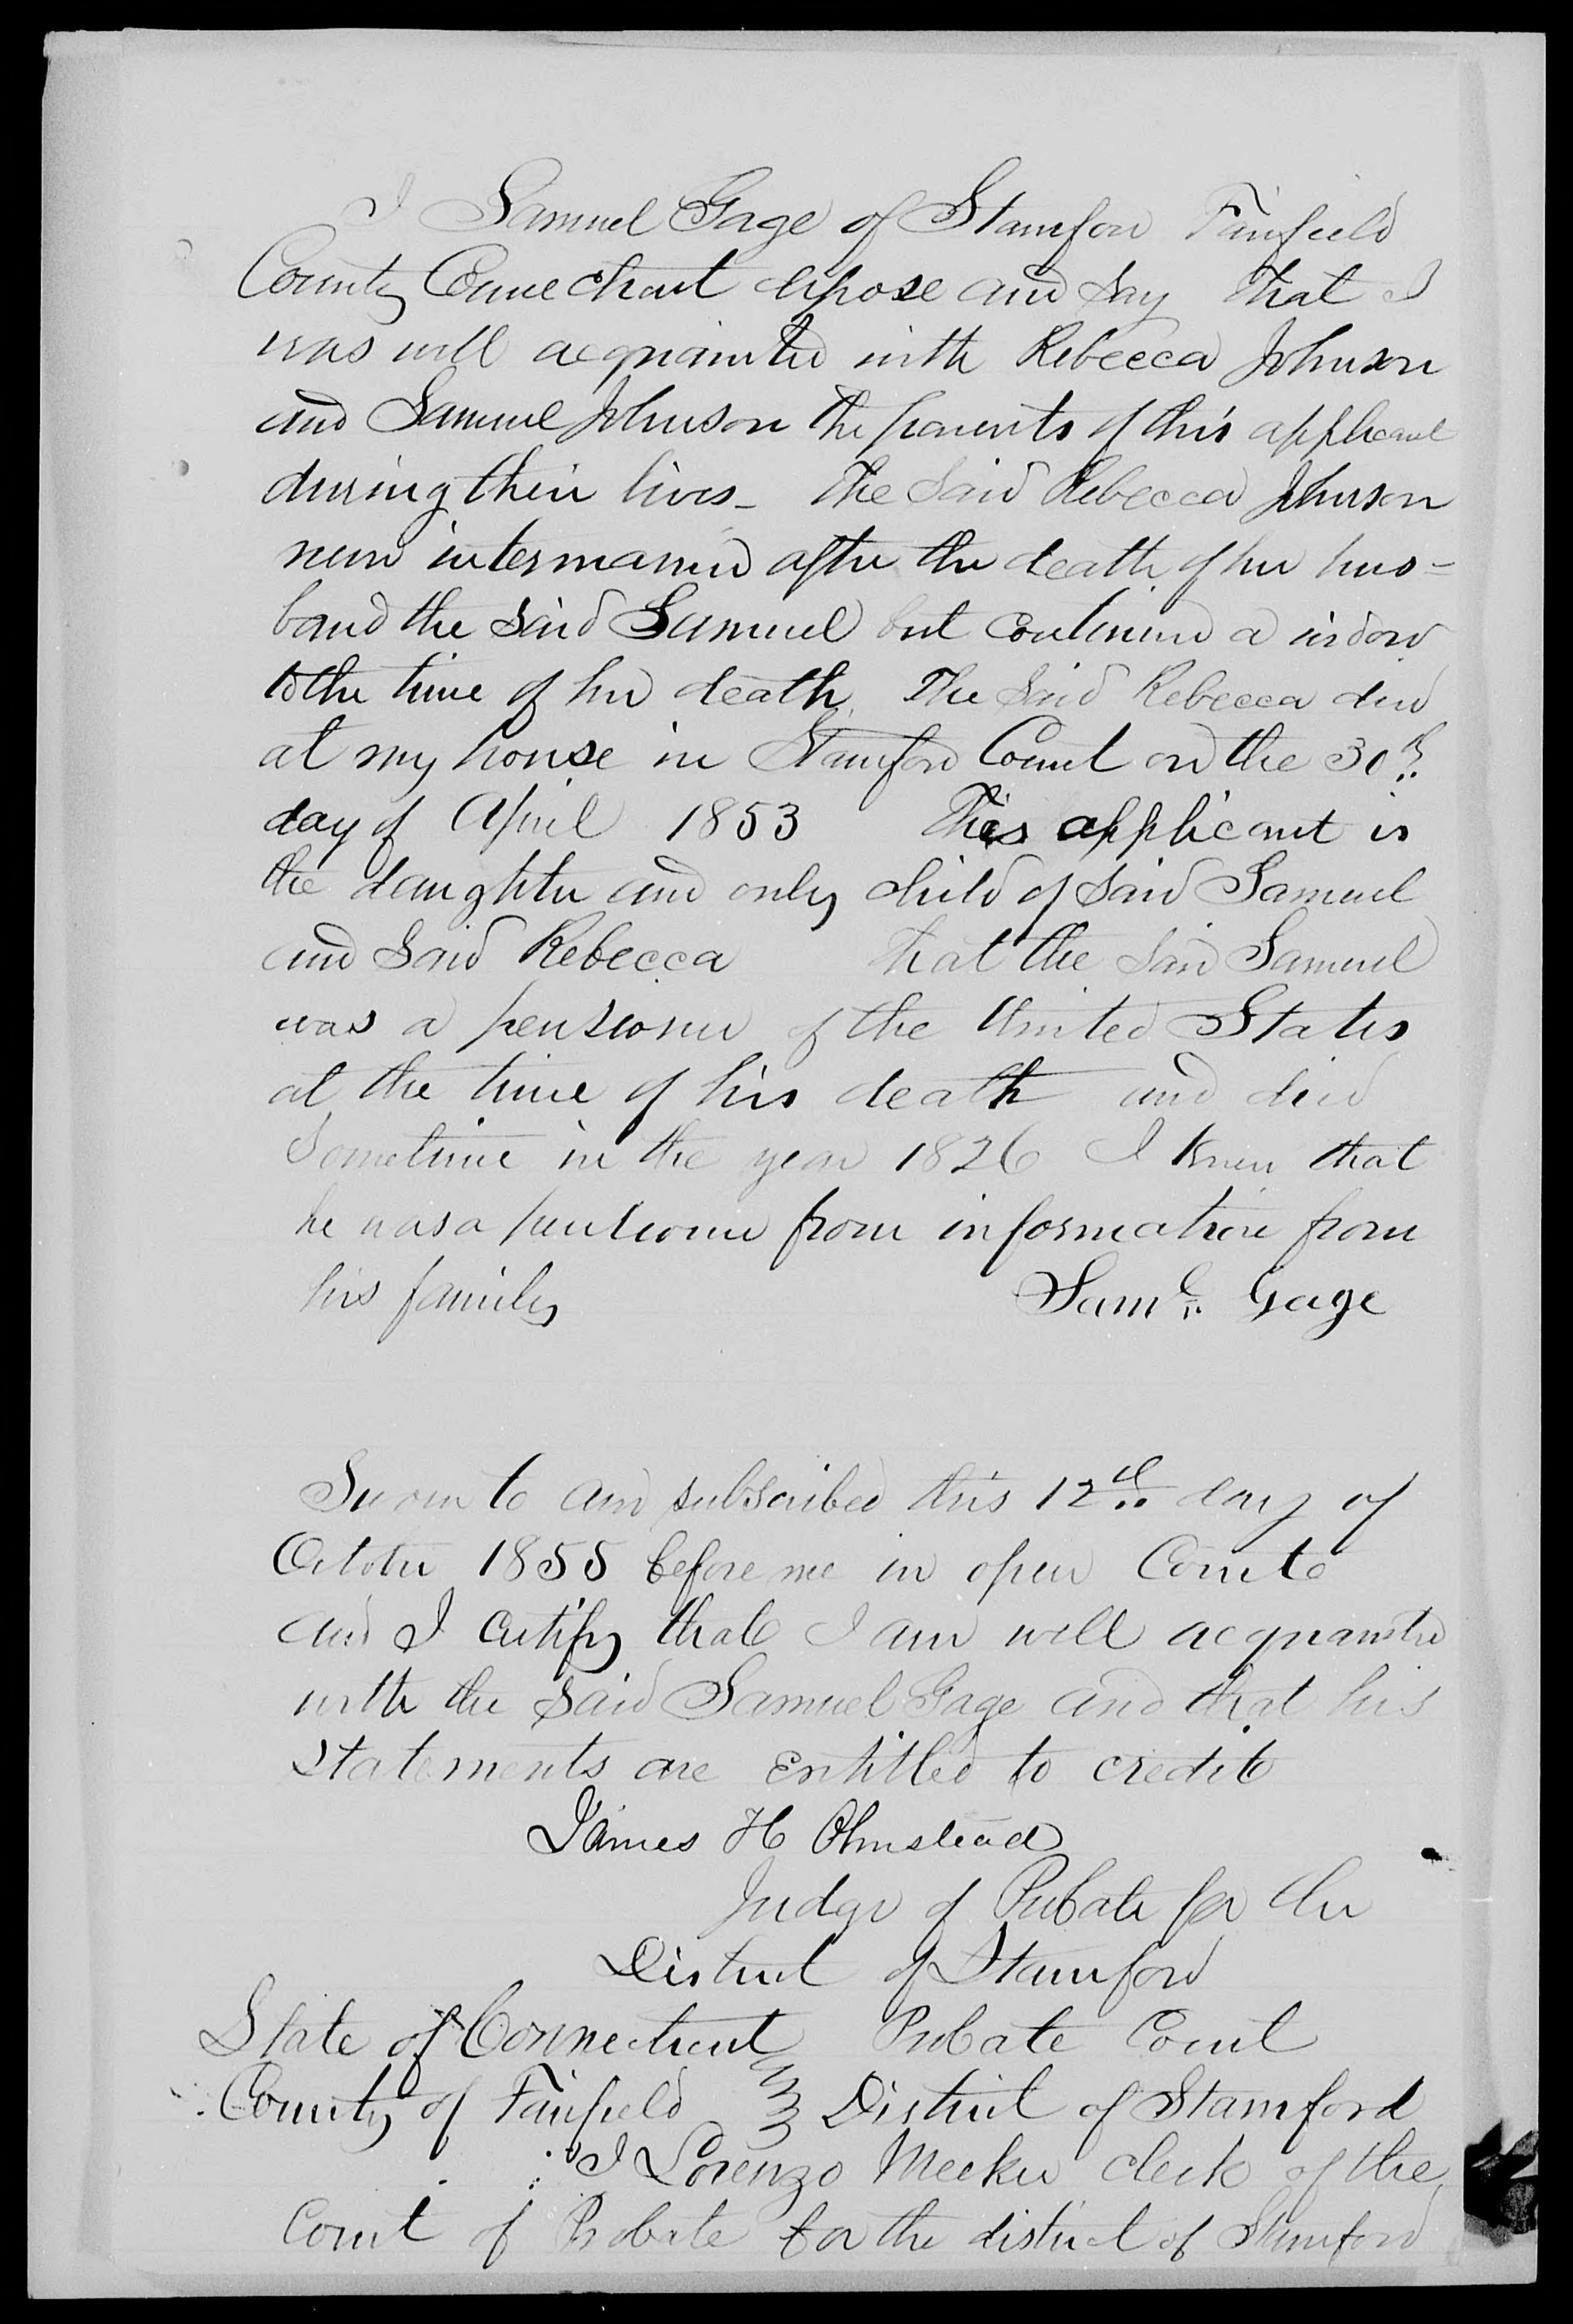I Samuel Gage of Stamford Fairfield County Connecticut depose and say that I was well acquainted with Rebecca Johnson and Samuel Johnson the parents of this applicant during their lives the said Rebecca Johnson never intermarried after the death of her husband the said Samuel but continued a widow to the time of her death, the said Rebecca died at my house in Stamford Connt on the 30th day of April 1853.   This applicant is the daughter and only child of said Samuel and said Rebecca that the said Samuel was a pensioner of the United States at the time of his death and died Sometime in the year 1826.   I knew that he was a pensioner from information from his family.   Saml Gage  
Sworn to and subscribed this 12th day of October 1855 before me in open Court and I certify that I am well acquainted with the said Samuel Gage and that his statements are entitled to credit.
James H Olmstead 
Judge of Probate for the District of Stamford  
State of Connecticut 
Fairfield County } Probate Court 
District of Stamford 
Lorenzo Meeker Clerk of the Probate for the district of Stamford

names: Samuel Johnson; Samuel Gage; James H Olmstead; Lorenzo Meeker; Rebecca Johnson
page: 16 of 43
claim: rejected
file: R. 5655, for Samuel Johnson, Connecticut